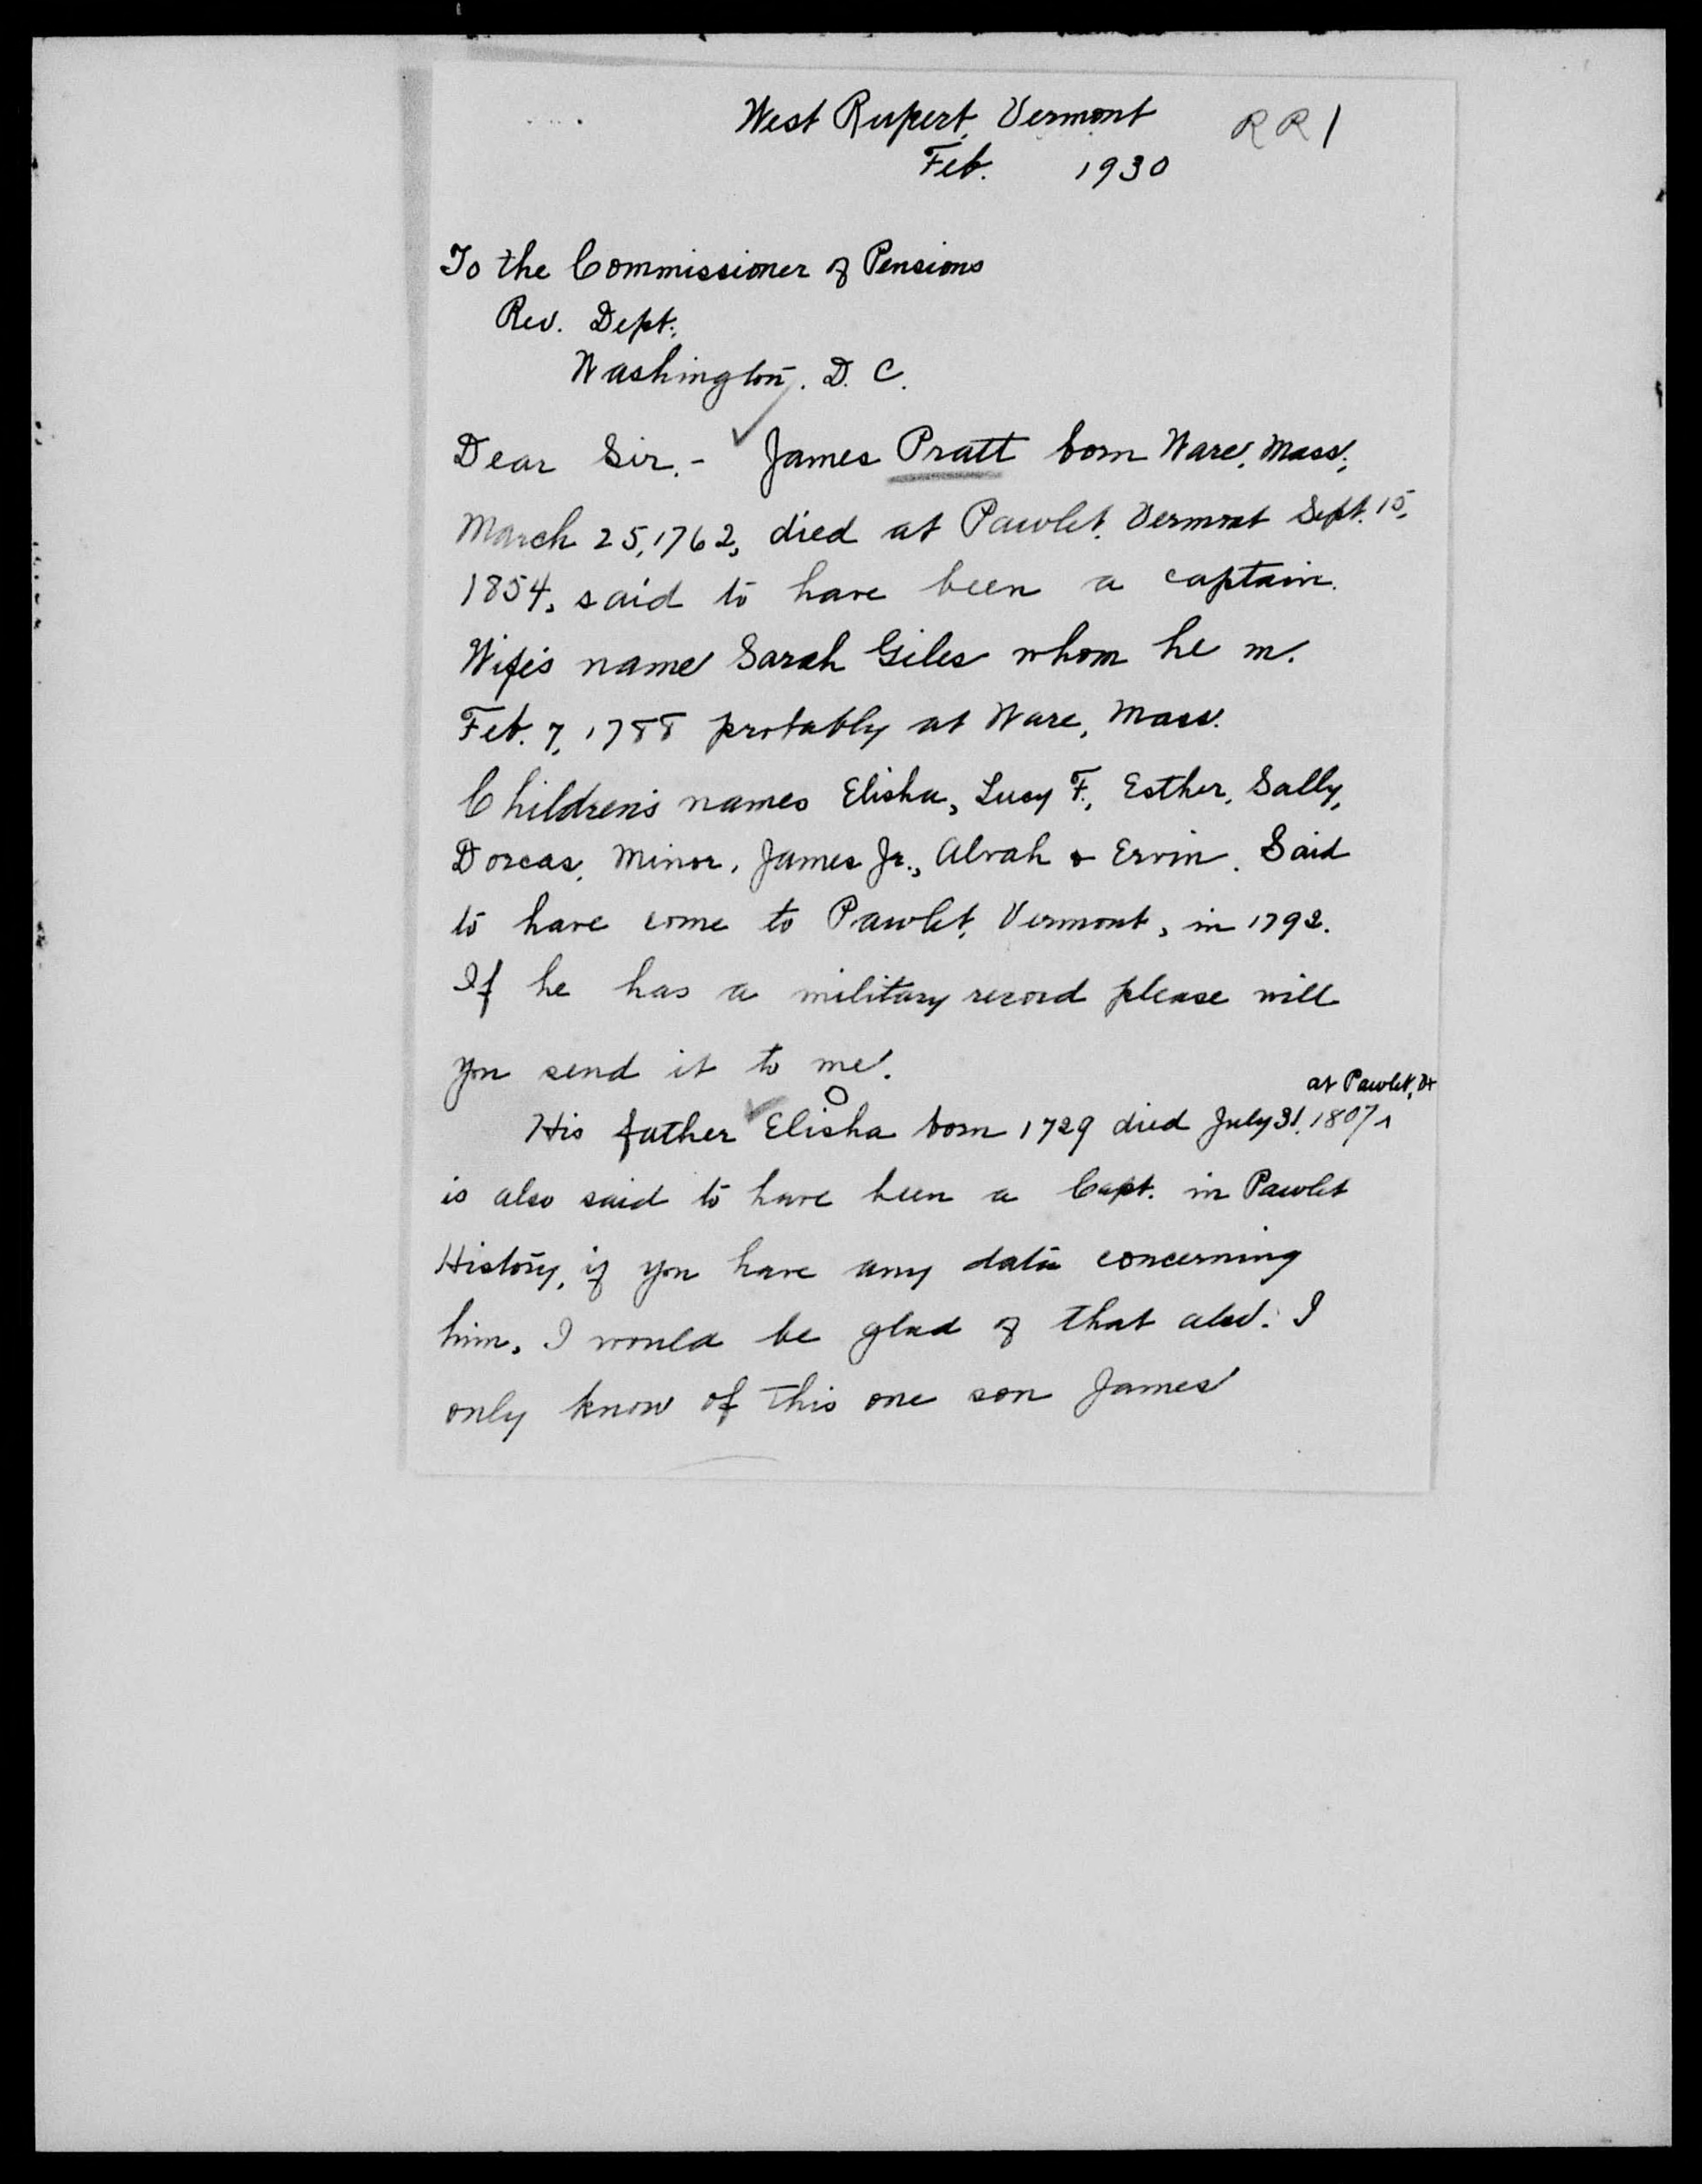West Rupert Vermont
Feb 1930
R R 
To the Commissioner of Pensions
Rev. Dept.
Washington, D.C.
Dear Sir-- James Pratt born Ware, Mass.
March 25, 1762, died at Pawlet Verment Sept. 10
1854, said to have been a captain
wife's name Sarah Giles whom he m.
Feb. 7, 1788 probably at Ware Mass.
Children's names Elisha, Lucy F. Esther, Sally,
Dorcas, Minor, James Jr., Alvah & Ervin. Said
to have come to Pawlet Vermont, in 1792
If he has a military record please will
you send it to me.

His father Elisha born 1729 died July 31, 1807 at Pawlet,VT
is also said to have been a Capt in Pawlet
History, if you have any dates concerning
him, I would be glad of that as I
only know of this one son James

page: 24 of 29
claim: survivor's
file: S. 14,222, for James Pratt, Vermont